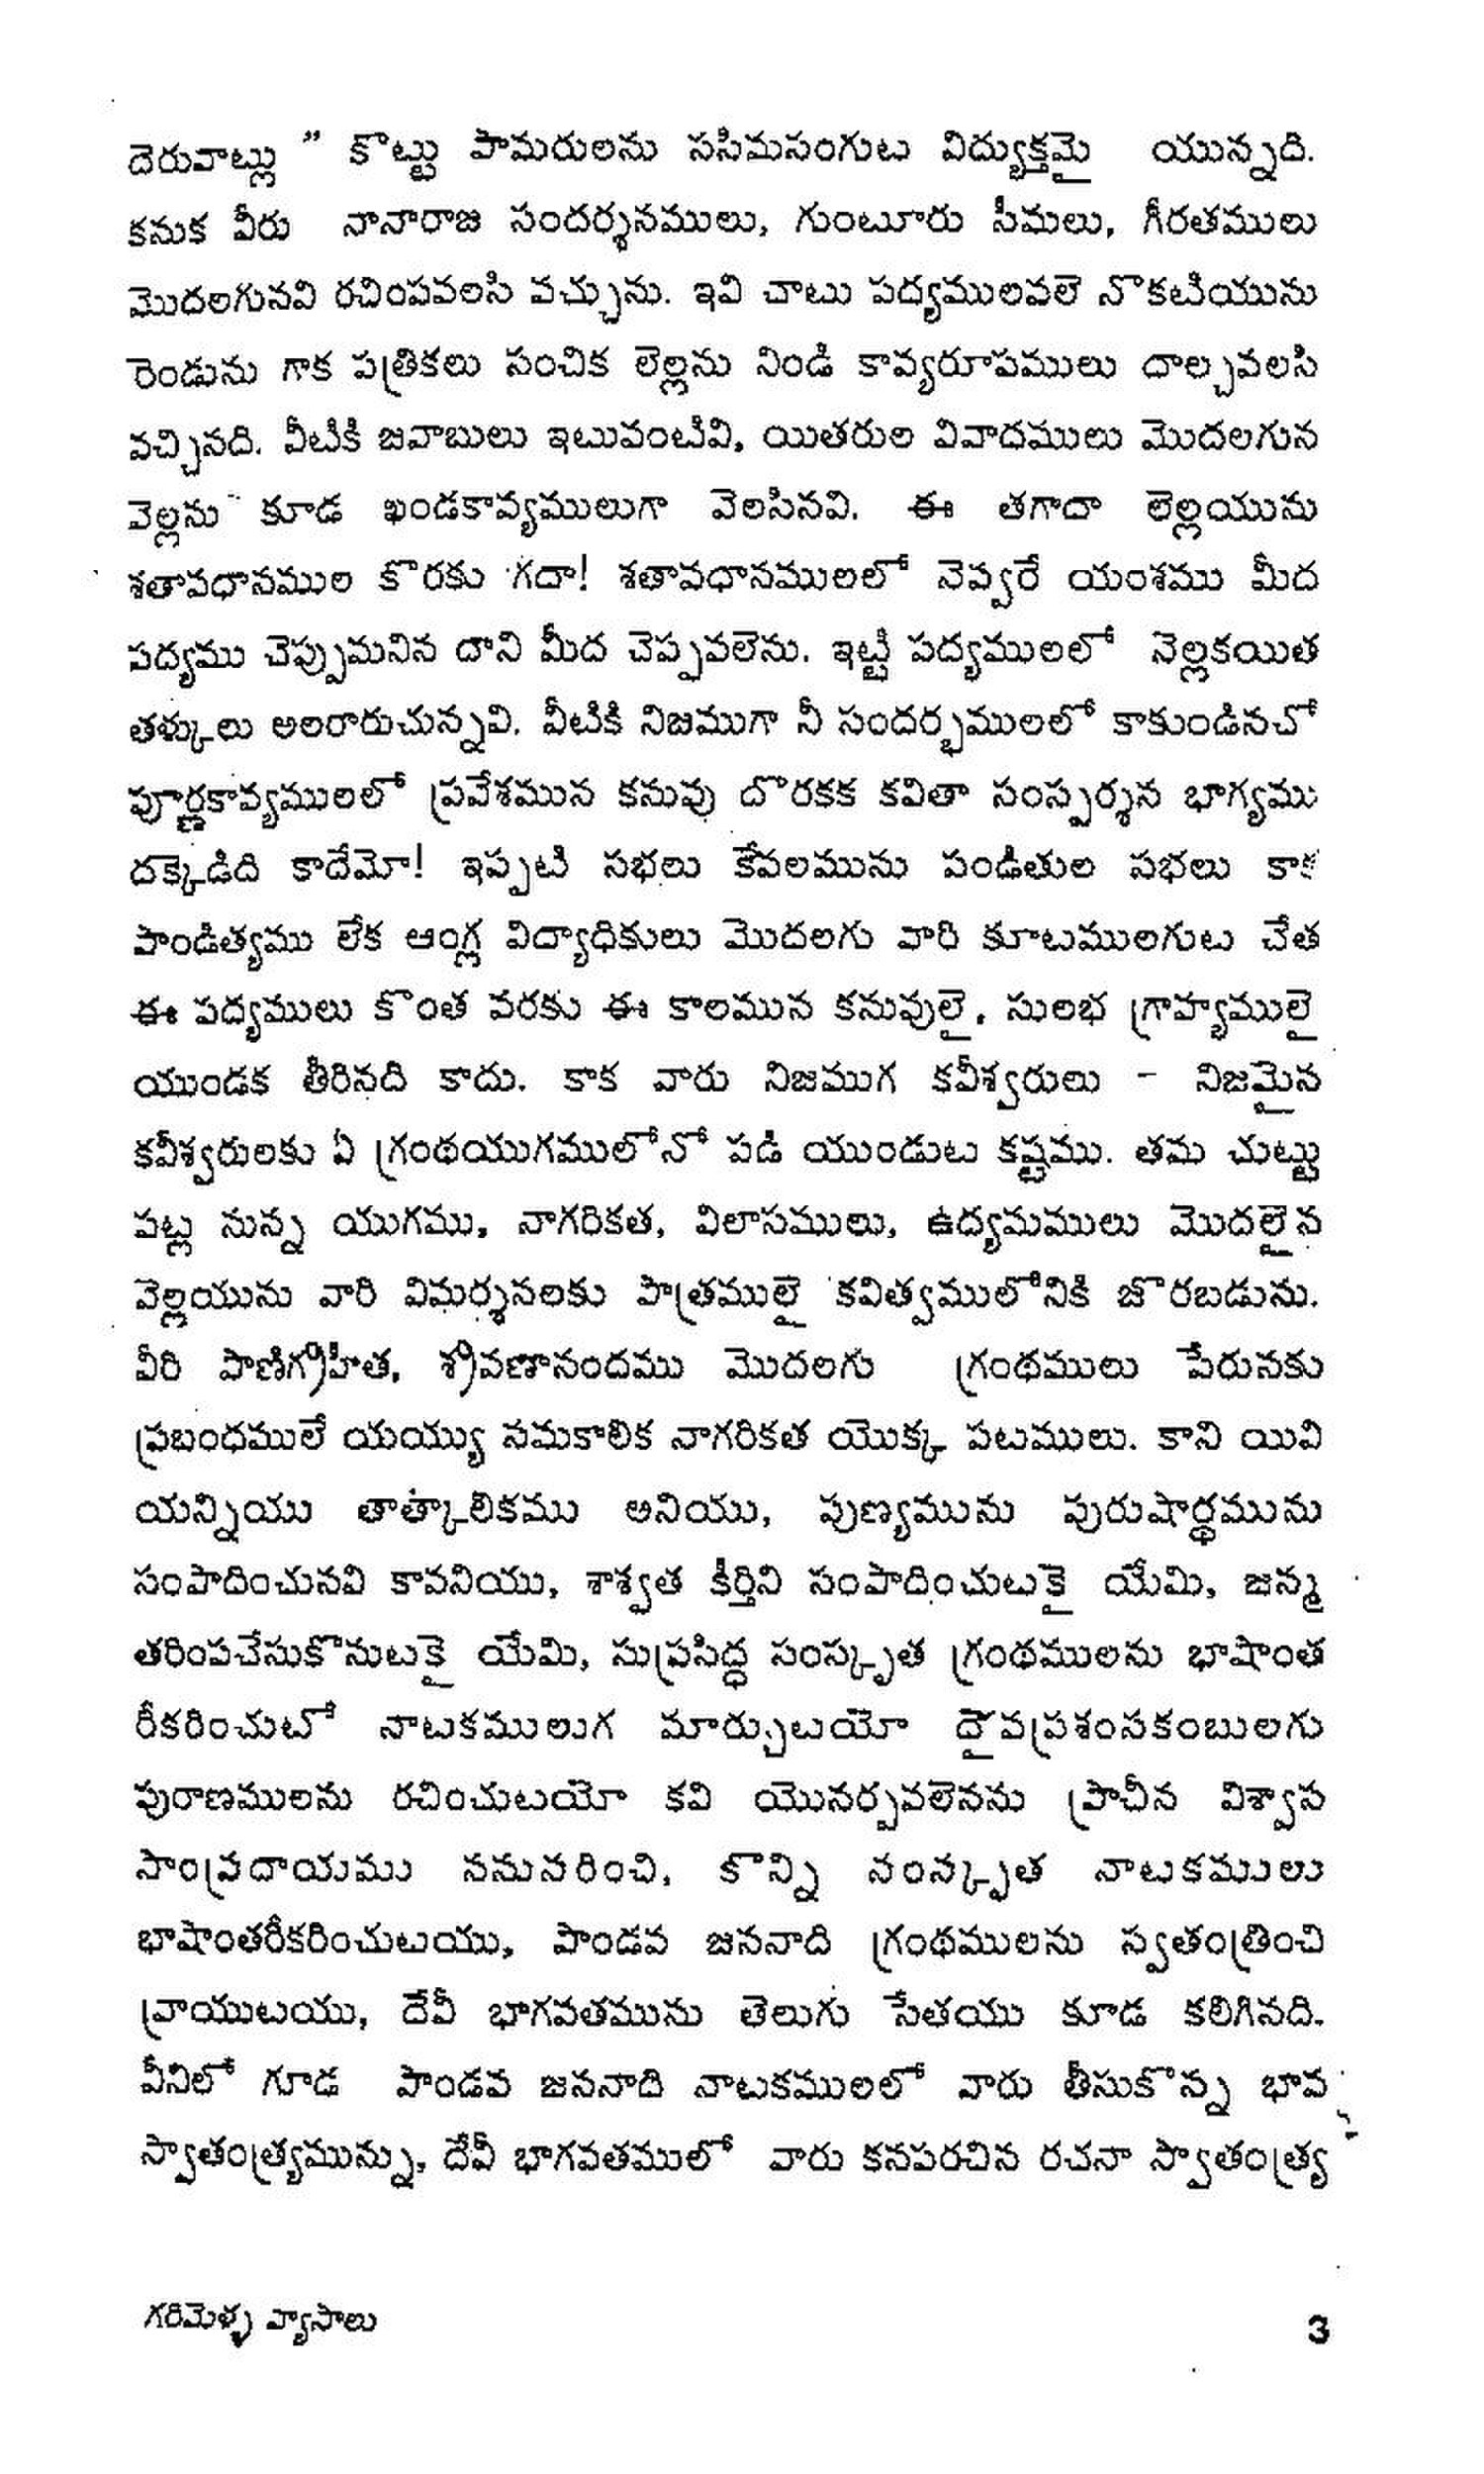దెరువాట్లు" కొట్టు పామరులను ససిమసంగుట విద్యుక్తమై యున్నది కనుక వీరు నానారజ సందర్శనములు, గుంటూరు సీమలు, గీరతములు మొదలగునవి రచింపవలసి వచ్చును. ఇవి చాటు పద్యములవలె నొకటియును రెండును గాక పత్రికలు సంచిక లెల్లను నిండి కావ్యరూపములు దాల్చవలసి వచ్చినది. వీటికి జవాబులు ఇటువంటివి, యితరుల వివాదములు మొదలగున వెల్లను" కూడ ఖండకావ్యములుగా వెలసినవి. ఈ తగాదా లెల్లయును శతావధానముల కొరకు గదా! శతావధానములలో నెవ్వరే యంశము మీద పద్యము చెప్పుమనిన దాని మీద చెప్పవలెను. ఇట్టి పద్యములలో నెల్లకయిత తళ్కులు అలరారుచున్నవి. వీటికి నిజముగా నీ సందర్భములలో కాకుండినచో పూర్ణకావ్యములలో ప్రవేశమున కనువు దొరకక కవితా సంస్పర్శన భాగ్యము దక్కెడిది కాదేమో! ఇప్పటి సభలు కేవలమును పండితుల సభలు కాక పాండిత్యము లేక ఆంగ్ల విద్యాధికులు మొదలగు వారి కూటములగుట చేత ఈ పద్యములు కొంత వరకు ఈ కాలమున కనువులై, సులభ గ్ర్రాహ్యములై యుండక తీరినది కాదు. కాక వారు నిజముగ కవీశ్వరులు - నిజమైన కవీశ్వరులకు ఏ గ్రంథయుగములోనో పడి యుండుట కష్టము తమ చుట్టుపట్ల నున్న యుగము, నాగరికత, విలాసములు, ఉద్యమములు మొదలైన వెల్లయును వారి విమర్శలకు పాత్రములై కవిత్వములోనికి జొరబడును. వీరి పాణిగ్రహిత, శ్వవణానందము మొదలగు గ్రంధములు పేరునకు ప్రబంధములే యయ్యు సమకాలిక నాగరికత యొక్క పటములు. కాని యివి యన్నియు తాత్కాలికము అనియు, పుణ్యమును పురుషార్థమును సంపాదించునవి కావనియు, శాశ్వత కీర్తిని సంపాదించుటకై యేమి, జన్మ తరింపచేసుకొనుటకై యేమి, సుప్రసిద్ధ సంస్కృత గ్రంథములను బాషాంతరీకరించుటో నాటకములుగ మార్చుటయో దైవప్రశంసకంబులగు పురాణములను రచించుటయో కవి యొనర్పవలెనను ప్రాచీన విశ్వాససాంప్రదాయము ననుసరించి, కొన్ని సంస్కృత నాటకములు భాషాంతరీకరించుటయు, పాండవ జననాది గ్రంథములను స్వతంత్రించి వ్రాయుటయు, దేవీ భాగవతమును తెలుగు సేతయు కూడ కలిగినది. వీనిలో గూడ పాండవ జనవాది నాటకములలో వారు తీసుకొన్న భావ స్వాతంత్ర్యమున్ను దేవీ భాగవతములో వారు కనపరచిన రచనా స్వాతంత్ర్య